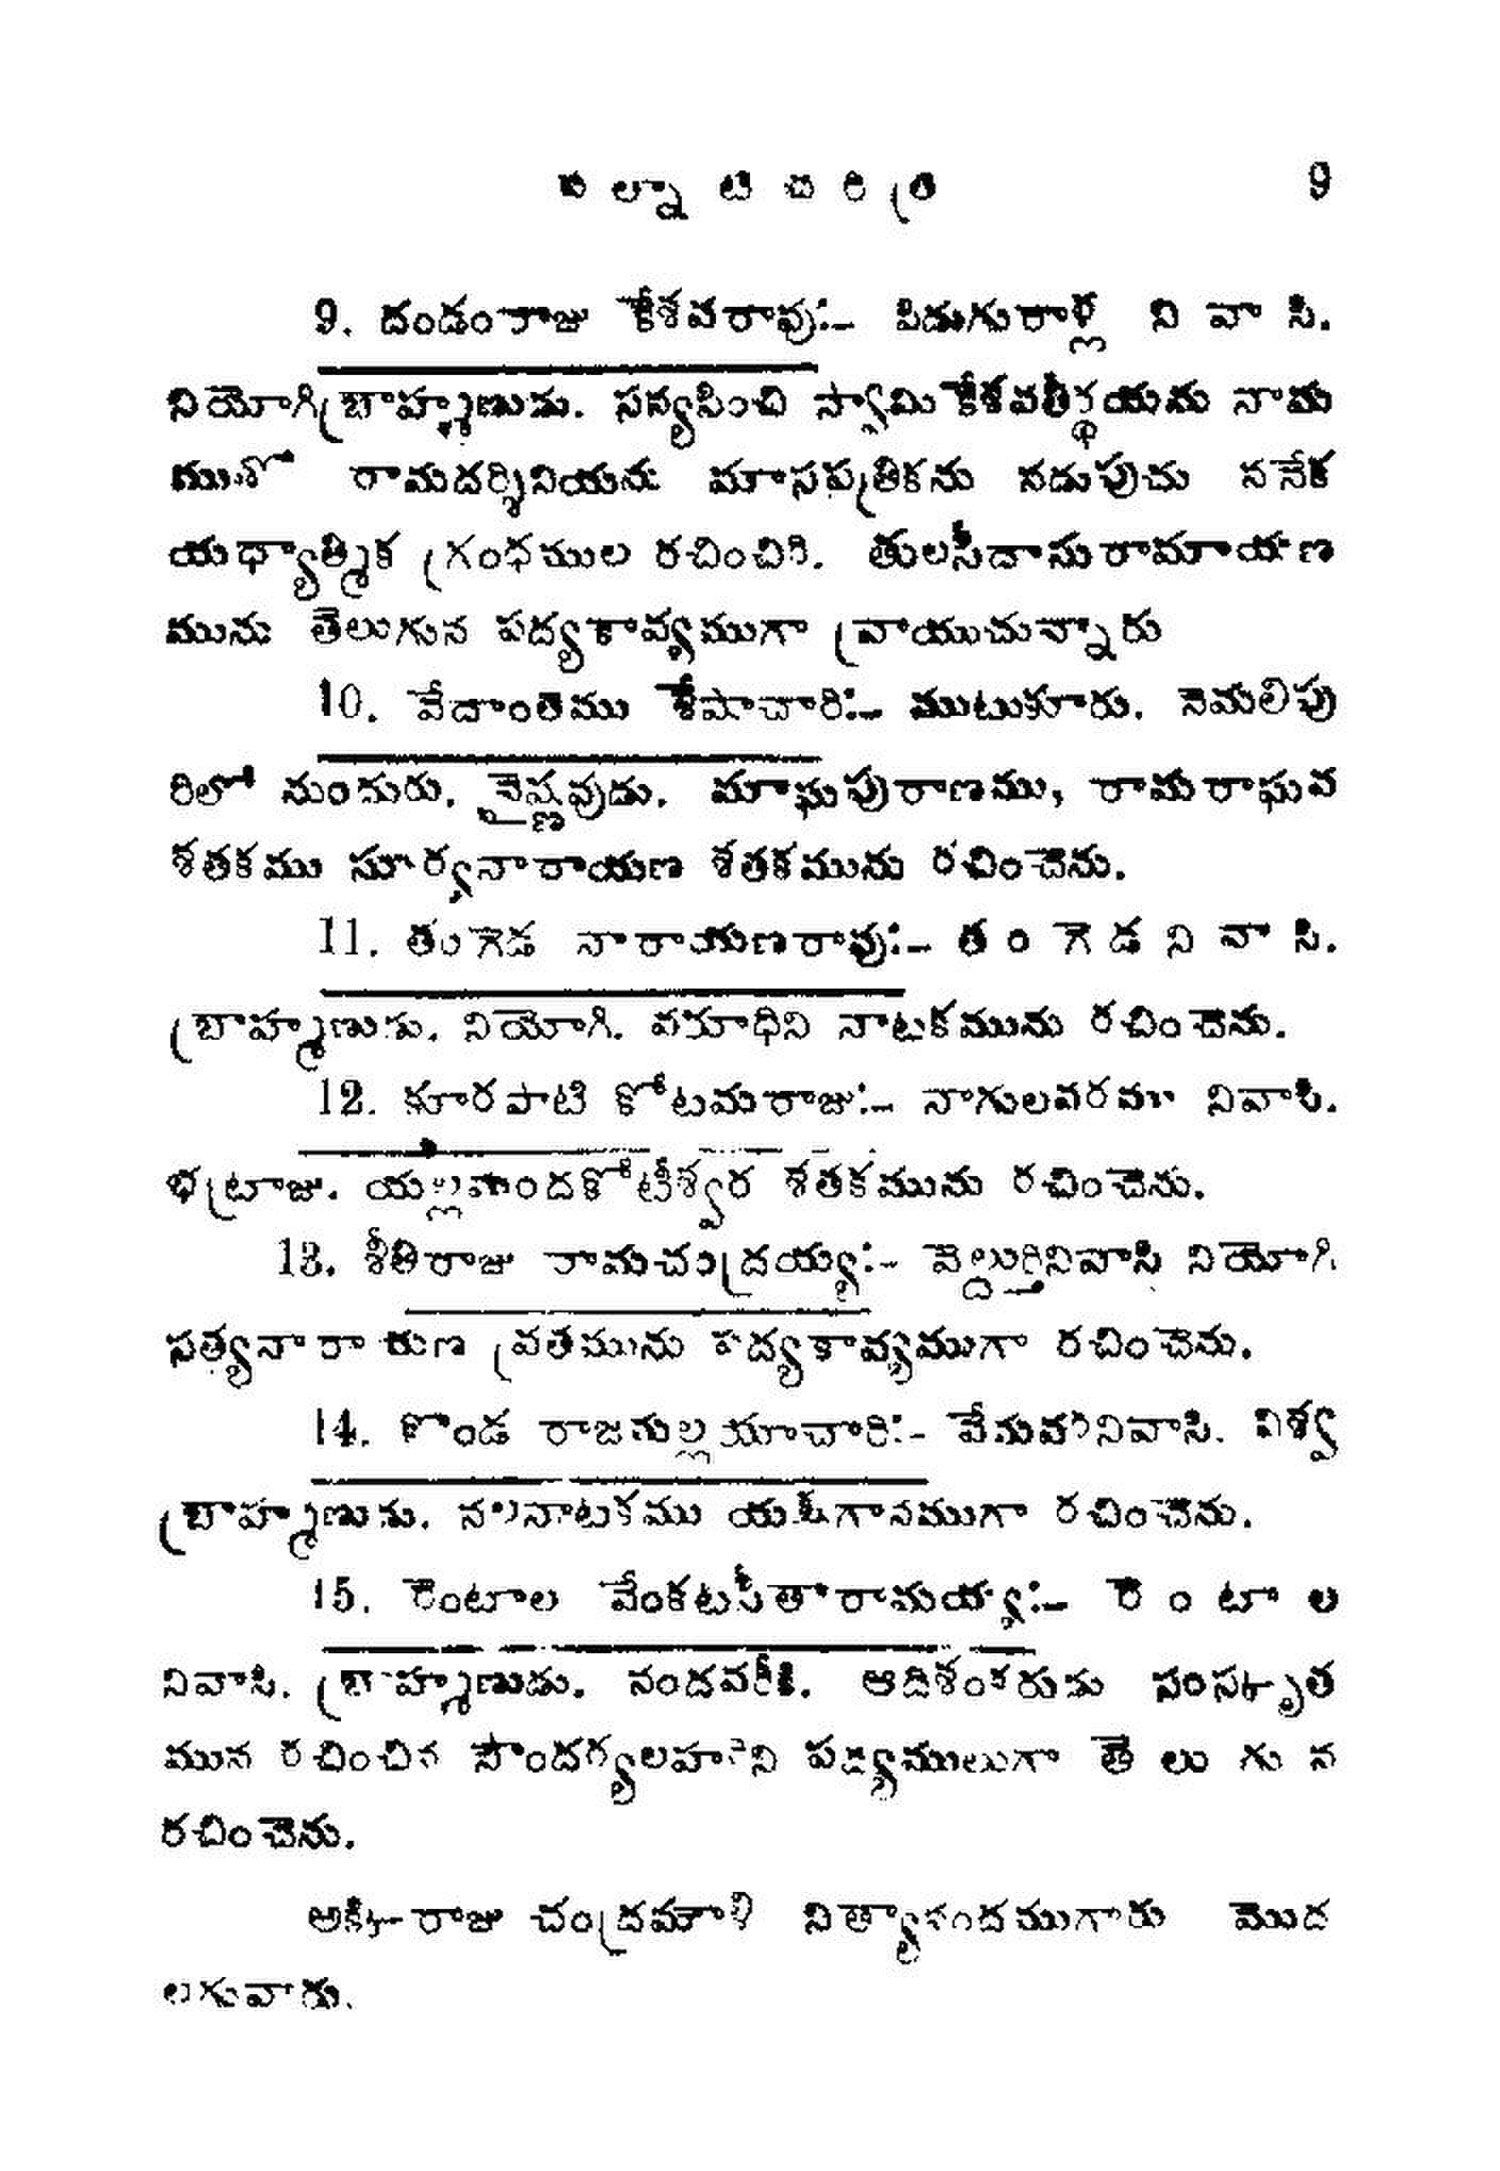9. దండంరాజు కేశవరావు:- పిడుగురాళ్ల నివాసి.
నియోగిబ్రాహ్మణుడు. సన్యసించి స్వామి కేశవతీర్ధయను నామ
రామదర్శినియను మాసపత్రికను నడుపుచు ననేక
యధ్యాత్మిక గ్రంధములు రచించిరి. తులసీదాసు రామాయణమును 
తెలుగున పద్యకావ్యముగా వ్రాయుచున్నారు

10. వేదాంతెము శేషాచారి:- ముటుకూరు, నెమలిపురిలో 
నుందురు, వైష్ణవుడు, మాఘపురాణము, రామరాఘవ
శతకము సూర్యనారాయణ శతకమును రచించెను.

11. తంగెడ నారాయణరావు:- తంగెడనివాసి.
బ్రాహ్మణుడు, నియోగి. వరూధిని నాటకమును రచించెను.

12. కూరపాటి కోటమరాజు:- నాగులవరము నివాసి.
భట్రాజు. యల్లమందకోటీశ్వర శతకమును రచించెను.

18. శీతిరాజు రామచంద్రయ్య:- వెల్దుర్తినివాసి నియోగి
సత్యనారాయణ వ్రతమును పద్యకావ్యముగా రచించెను.

14. కొండ రాజమల్లయాచారి:- వేమవరనివాసి. విశ్వ
బ్రాహ్మణుడు. నలనాటకము యక్షగానముగా రచించెను.

15. రెంటాల వేంకటసీతారామయ్య:- రెంటాల నివాసి, 
బ్రాహ్మణుడు. నందవరీకి. ఆదిశంకరుడు సంస్కృతమున 
రచించిన సౌందర్యలహరిని పద్యములుగా తెలుగున రచించెను.

అక్కిరాజు చంద్రమౌళి నిత్యానందముగారు 
మొదలగు